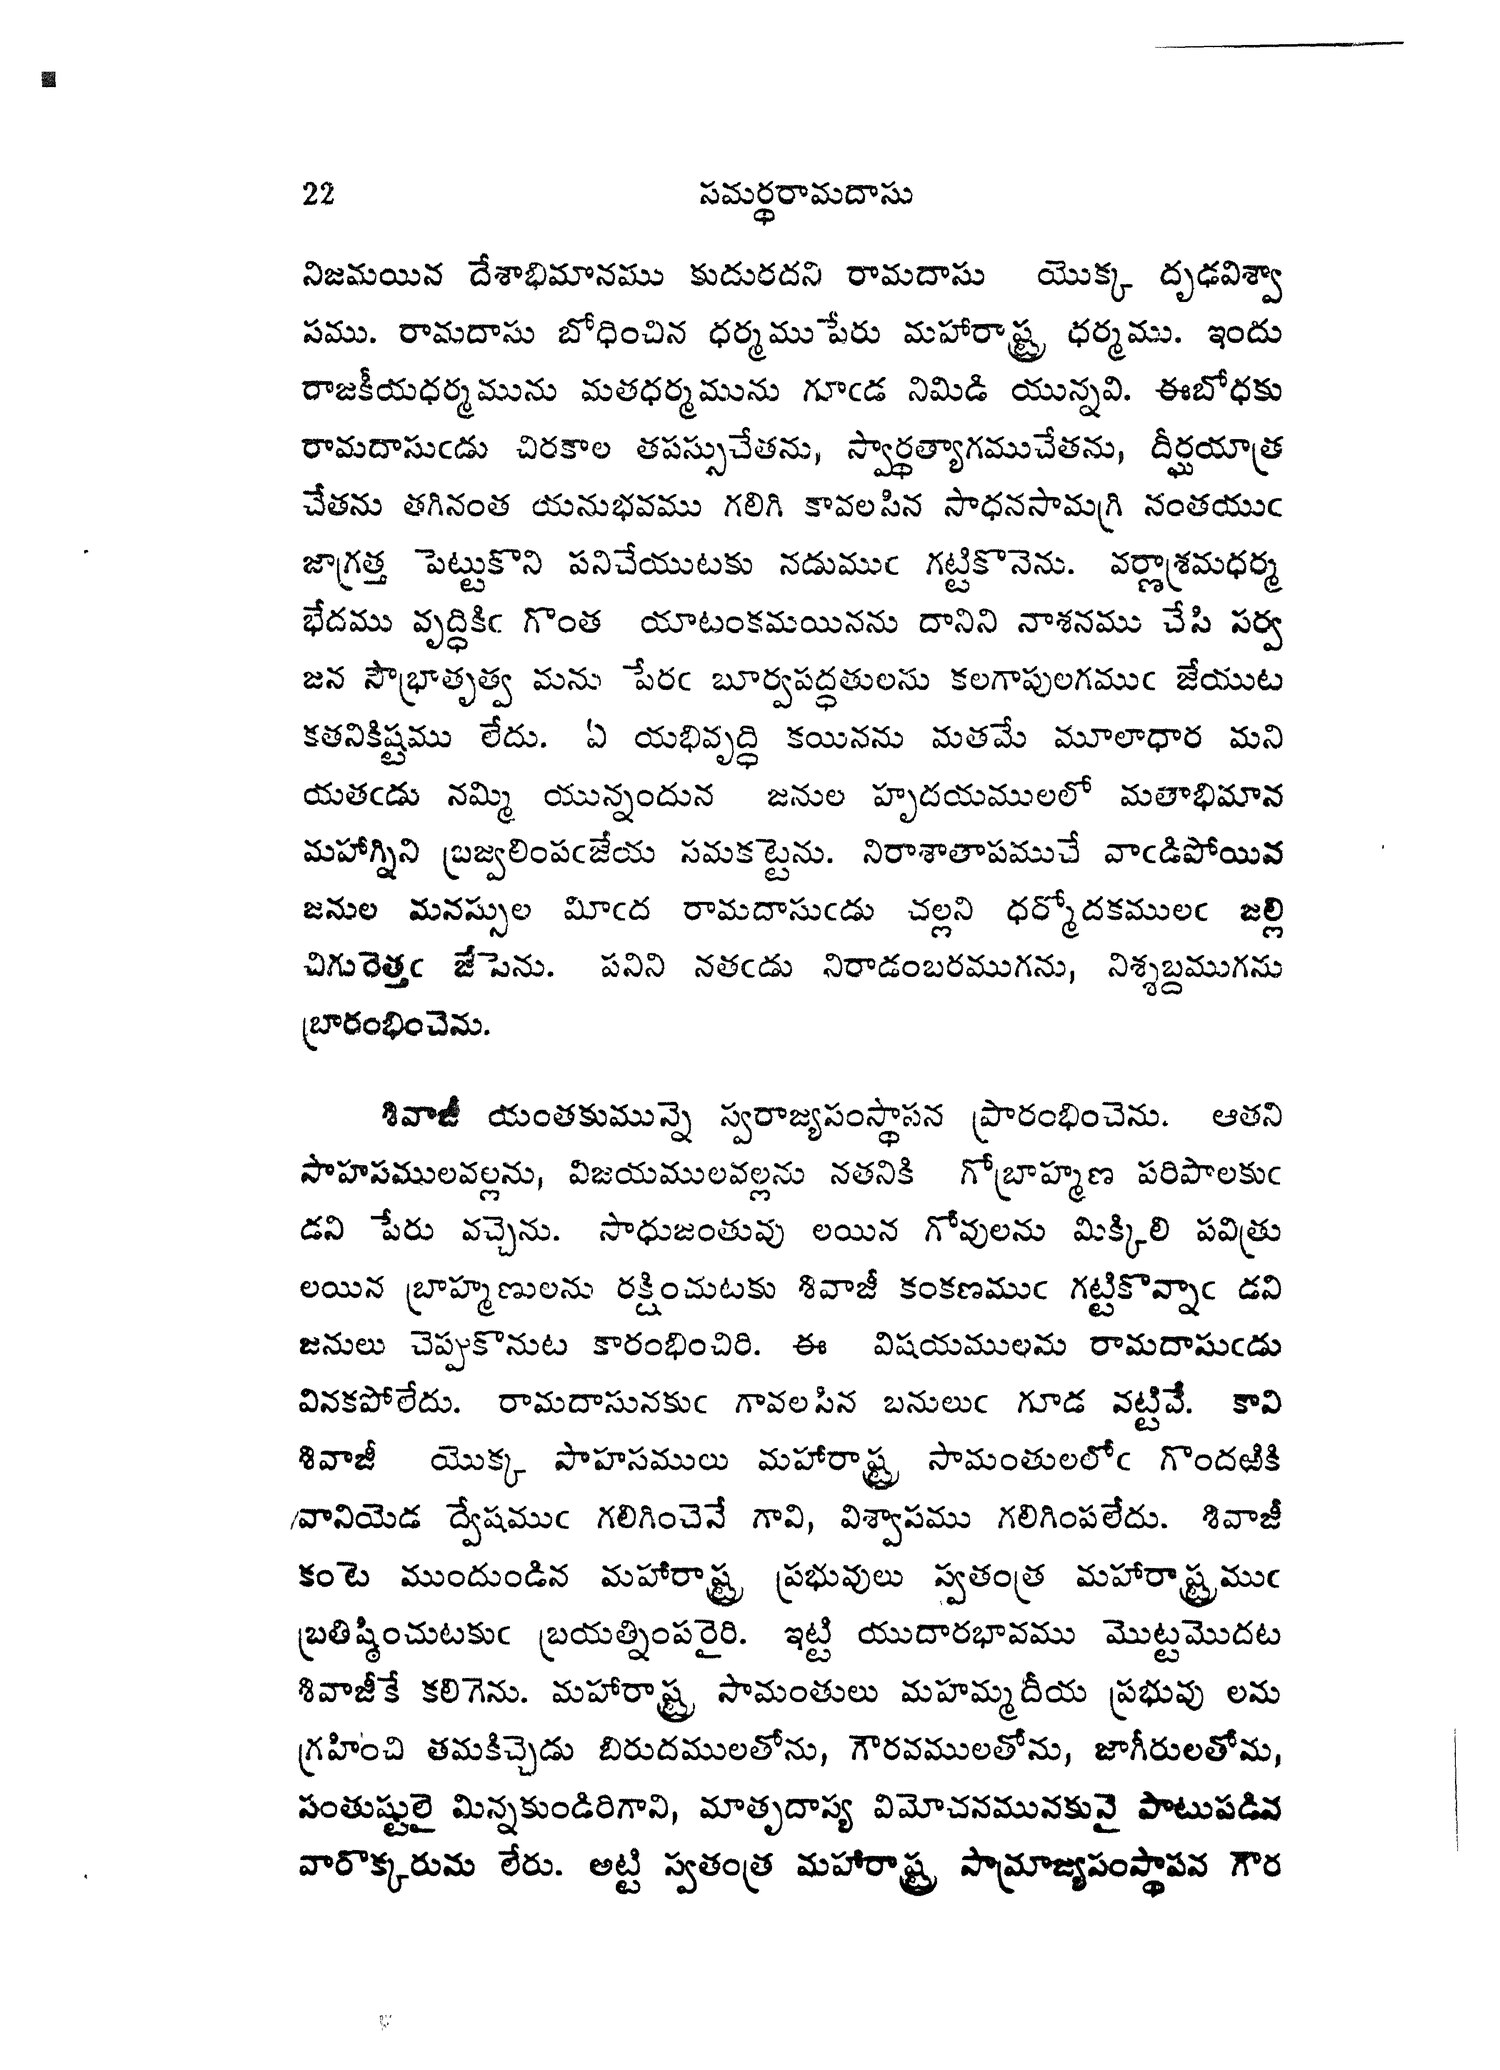నిజమయిన దేశాభిమానము కుదురదని రామదాసు యొక్క దృడవిశ్వాసము. రామదాసు బోధించిన ధర్మము పేరు మహారాష్ట్ర ధర్మము. ఇందు రాజకీయధర్మమును మతధర్మమును గూడ నిమిడి యున్నవి. ఈబోధకు రామదాసుడు చిరకాల తపస్సుచేతను, స్వార్థత్యాగముచేతను, దీర్ఘయాత్రచేతను తగినంత యనుభవము గలిగి కావలసిన సాధనసామగ్రి నంతయు జాగ్రత్త పెట్టుకొని పనిచేయుటకు నడుము గట్టికొనెను. వర్ణాశ్రమధర్మ భేధము వృద్ధికి గొంత యాటంకమయినను దానిని నాశనము చేసి సర్వజన సౌభ్రాతృత్వ మను పేర బూర్వపద్ధతులను కలగాపులగము జేయుట కతనికిష్టము లేదు. ఏ యభివృద్ధి కయినను మతమే మూలాధార మని యతడు నమ్మి యున్నందున జనుల హృదయములలో మతాభిమాన మహాగ్నిని బ్రజ్వలింపజేయ సమకట్టెను. నిరాశాతాపముచే వాడిపోయిన జనుల మనస్సుల మీద రామదాసుడు చల్లని ధర్మోదకముల జల్లి చిగురెత్త జేసెను. పనిని నతడు నిరాడంబరముగను, నిశ్శబ్దముగను బ్రారంభించెను.

శివాజీ యంతకుమున్నె స్వరాజ్యసంస్థాపన ప్రారంభించెను. ఆతని సాహసములవల్లను, విజయములవల్లను నతనికి గోబ్రాహ్మణ పరిపాలకుడని పేరు వచ్చెను. సాధుజంతువు లయిన గోవులను మిక్కిలి పవిత్రులయిన బ్రాహ్మణులను రక్షించుటకు శివాజీ కంకణము గట్టికొన్నా డని జనులు చెప్పుకొనుట కారంభించిరి. ఈ విషయములను రామదాసుడు వినకపోలేదు. రామదాసునకు గావలసిన బనులు గూడ నట్టివే. కాని శివాజీ యొక్క సాహసములు మహారాష్ట్ర సామంతులలో గొందఱికి వానియెడ ద్వేషము గలిగించెనే గాని, విశ్వాసము గలిగింపలేదు. శివాజీ కంటె ముందుండిన మహారాష్ట్ర ప్రభువులు స్వతంత్ర మహారాష్ట్రము బ్రతిష్ఠించుటకు బ్రయత్నింపరైరి. ఇట్టి యుదారభావము మొట్టమొదట శివాజీకే కలిగెను. మహారాష్ట్ర సామంతులు మహమ్మదీయ ప్రభువు లను గ్రహించి తమకిచ్చెడు బిరుదములతోను, గౌరవములతోను, జాగీరులతోను, సంతుష్టులై మిన్నకుండిరిగాని, మాతృదాస్య విమోచనమునకునై పాటుపడిన వారొక్కరును లేరు. అట్టి స్వతంత్ర మహారాష్ట్ర సాంరాజ్యసంస్థాపన గౌర